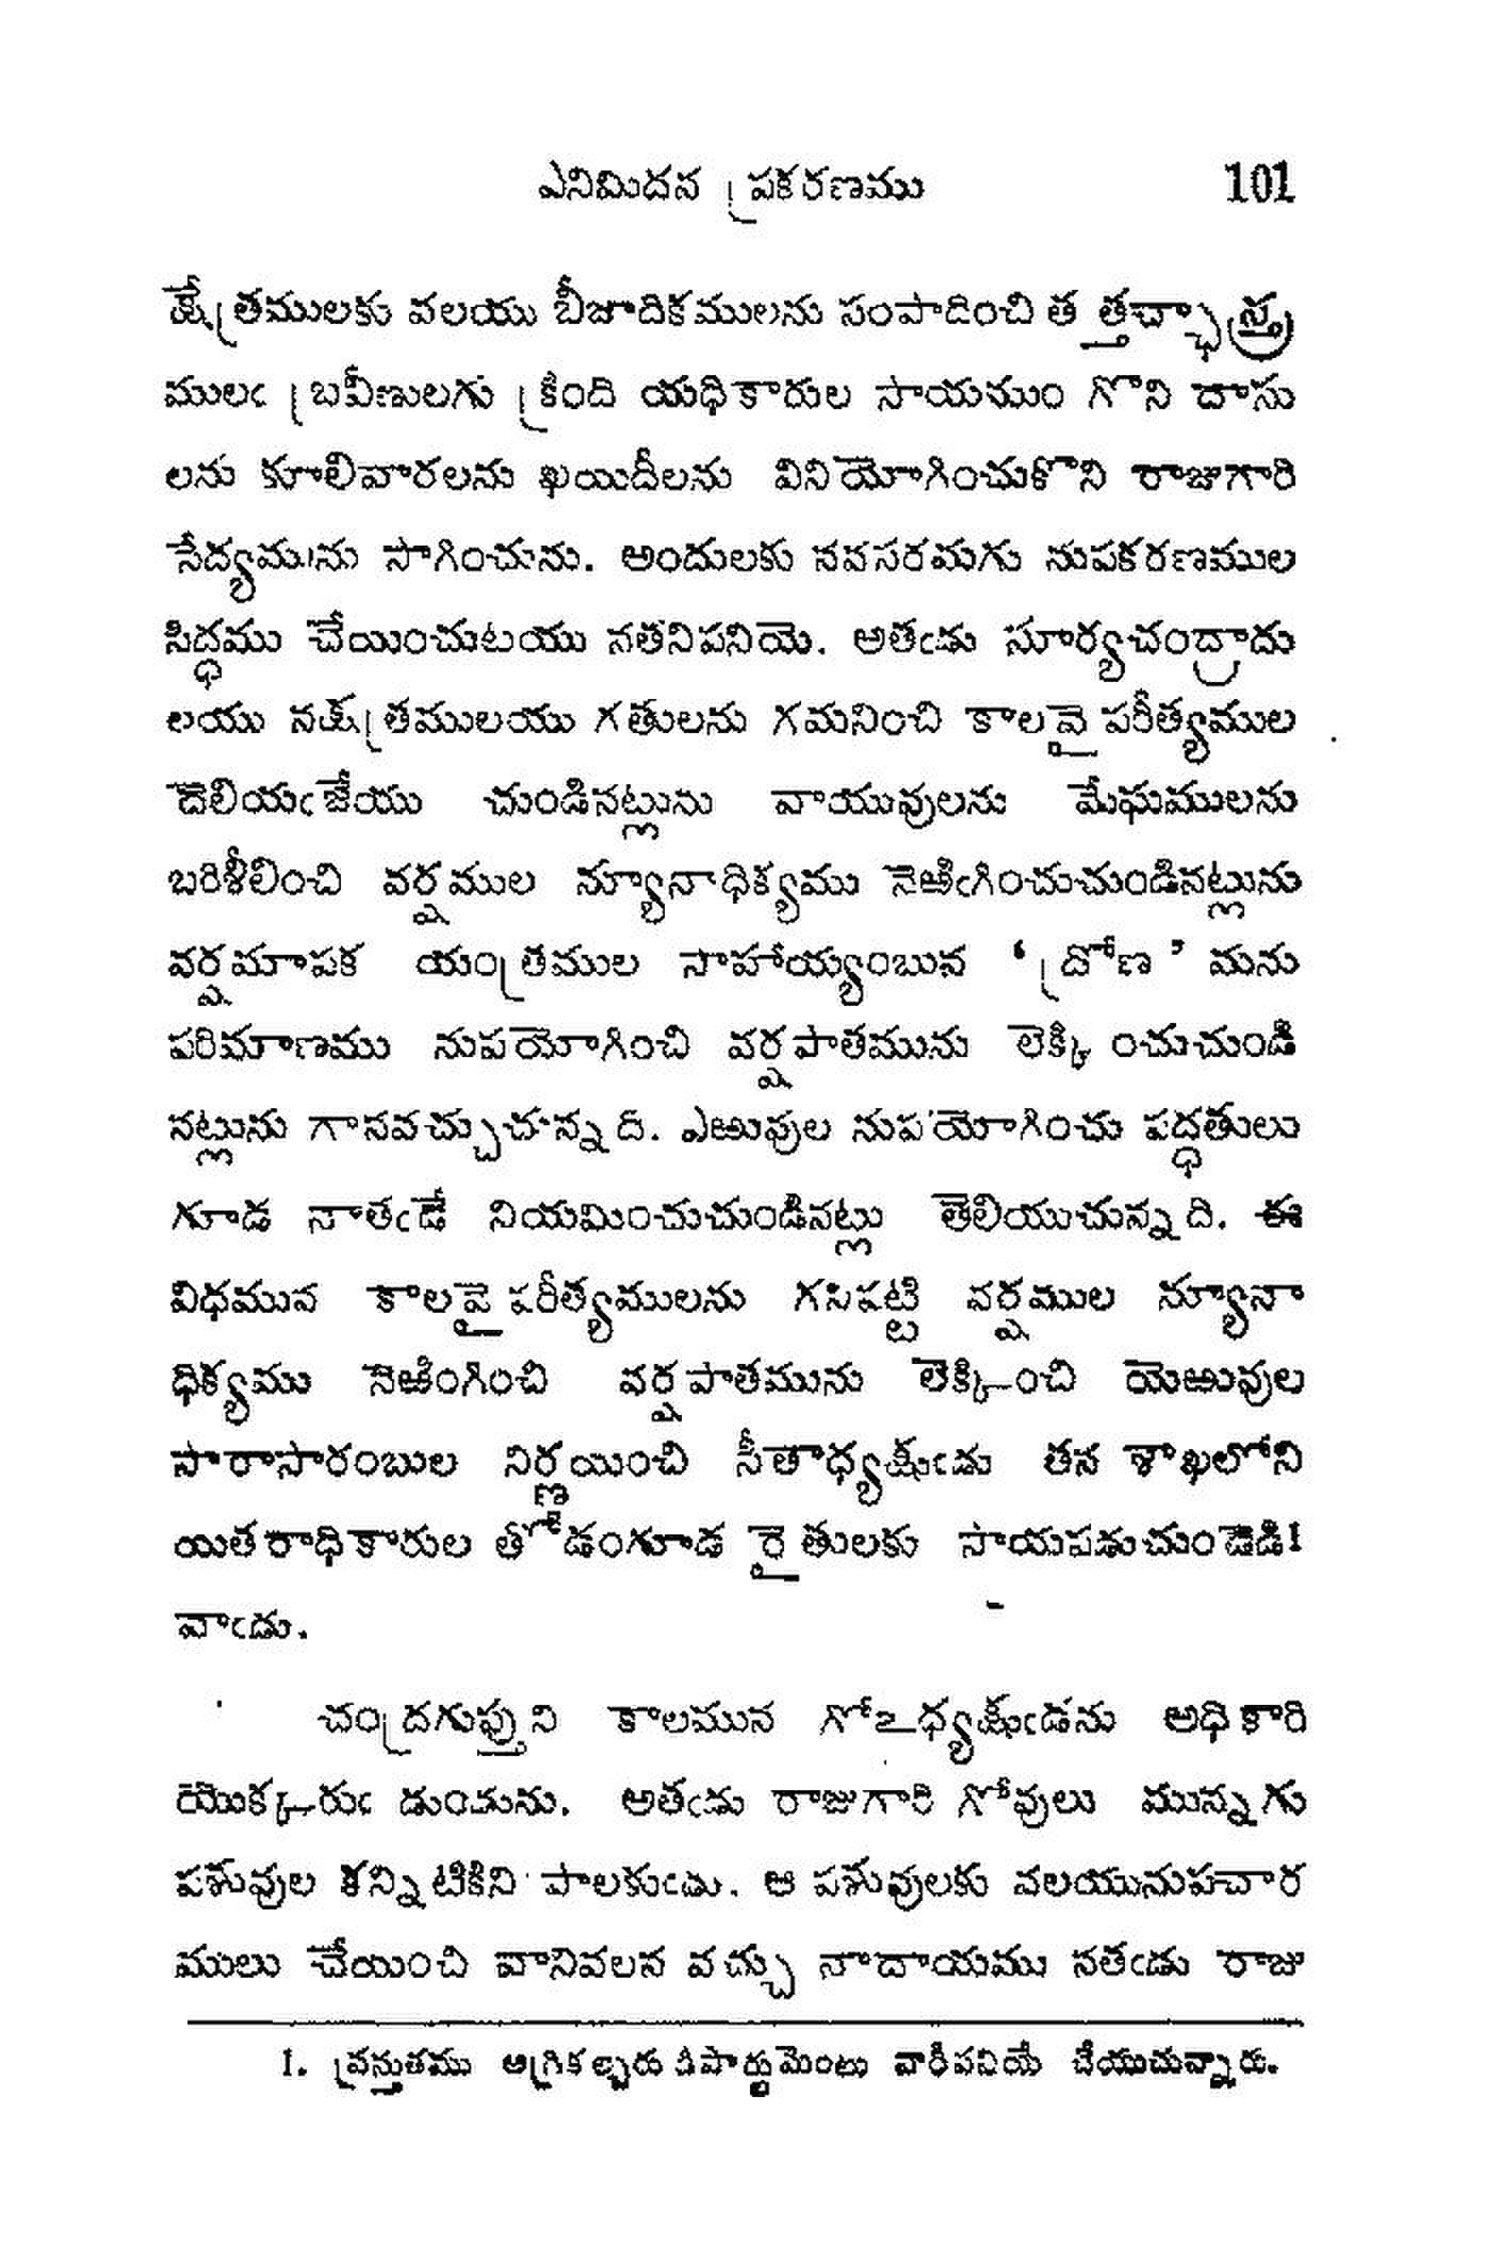క్షేత్రములకు వలయు బీజాదికములను సంపాదించి తత్తచ్చాస్త్రములఁ బ్రవీణులగు క్రింది యధికారుల సాయముం గొని దాసులను కూలివారలను ఖయిదీలను వినియోగించుకొని రాజుగారి సేద్యమును సాగించును. అందులకు నవసరమగు నుపకరణముల సిద్ధము చేయించుటయు నతనిపనియె. అతఁడు సూర్యచందాదులయు నక్షత్రములయు గతులను గమనించి కాలవైపరీత్యముల దెలియఁజేయు చుండినట్లును వాయువులను మేఘములను బరిశీలించి వర్షముల న్యూనాధిక్యము నెఱిఁగించుచుండినట్లును వర్షమాపక యంత్రముల సాహాయ్యంబున 'ద్రోణ' మను పరిమాణము నుపయోగించి వర్షపాతమును లెక్కించుచుండి నట్లును గానవచ్చుచున్నది. ఎఱువుల నుపయోగించు పద్దతులు గూడ నాతఁడే నియమించుచుండినట్లు తెలియుచున్నది. ఈ విధమున కాలవైపరీత్యములను గనిపట్టి వర్షముల న్యూనాధిక్యము నెఱింగించి వర్షపాతమును లెక్కించి యెఱువుల సారాసారంబుల నిర్ణయించి సీతాధ్యక్షుడు తన శాఖలోని యితరాధికారుల తోడంగూడ రైతులకు సాయపడుచుండెడి1 వాఁడు. 

చంద్రగుప్తుని కాలమున గో౽ధ్యక్షుఁడను అధికారి యొక్కరుఁ డుండును. అతఁడు రాజు గారి గోవులు మున్నగు పశువుల కన్నిటికిని పాలకుఁడు. ఆ పశువులకు వలయునుపచారములు చేయించి వానివలన వచ్చు నాదాయము సతఁడు రాజు